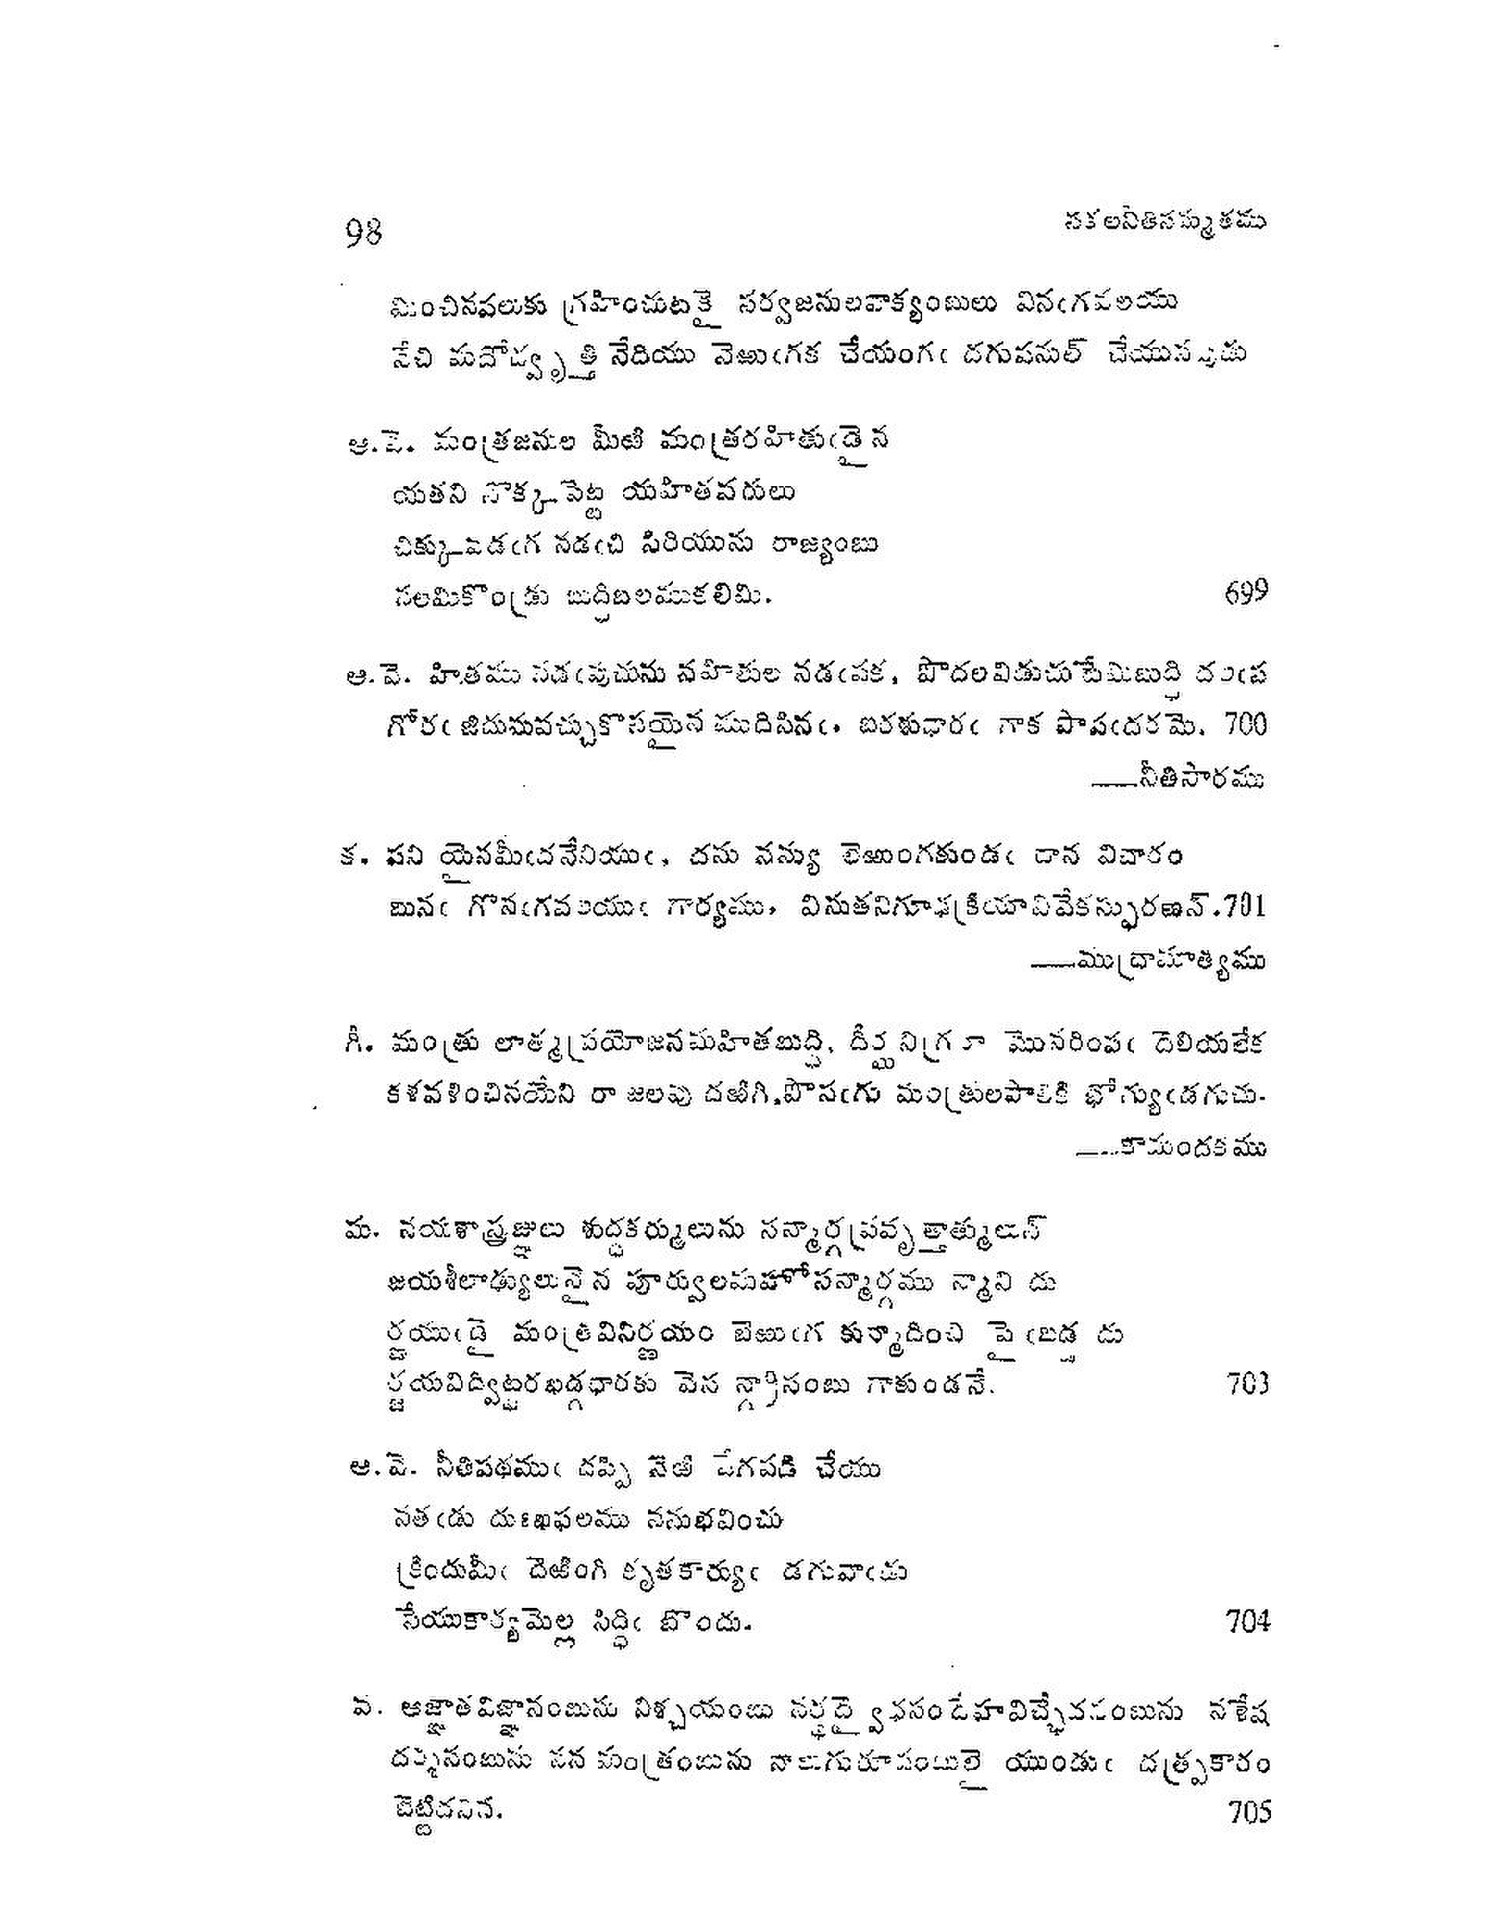మించినపలుకు గ్రహించుటకై సర్వ
జనులవాక్యంబులు వినఁగవలయు
నేచి మదోద్వృత్తి నేదియు నెఱుఁగక
చేయంగఁ దగుపనుల్ చేయునపుడు
ఆ. మంత్రజనుల మీఱి మంత్రరహితుఁడైన
యతని నొక్కపెట్ట యహితవరులు
చిక్కువడఁగ నడఁచి సిరియును రాజ్యంబు
నలమికొండ్రు బుద్ధిబలము కలిమి. 699

ఆ. హితము నడఁపుచును నహితుల నడఁపక
పొదల విడుచు టేమి బుద్ధి దలఁప
గోరఁ డిదుమవచ్చుకొనయైన ముదిసినఁ
బరశుధారఁ గాక పాపఁదరమె. 700

క. పని యైనమీఁదనేనియుఁ
దను నన్యు లెఱుగకుండఁ దాన విచారం
బునఁ గొనఁగవలయుఁ గార్యము
వినుతనిగూఢక్రియావివేకస్ఫురణన్. 701

గీ. మంత్రు లాత్మప్రయోజనమహితబుద్ధి
దీర్ఘనిగ్రహ మొనరింపఁ దెలియలేక
కళవళించినయేని రా జలవు దఱిగి
పొసఁగు మంత్రులపాటికి భోగ్యుఁ డగుచు. 702

మ. నయశాస్త్రజ్ఞులు శుద్ధకర్ములును సన్మార్గప్రవృత్తాత్ములున్
జయశీలాఢ్యులునైన పూర్వులమహోసన్మార్గము న్మాని దు
ర్జయుఁడై మంత్రవినిర్ణయం బెఱుఁగ కున్మాదించి పైఁబడ్డ దు
ర్జయవిద్విట్ధరఖడ్గధారకు వెస న్గ్రాసంబు గాకుండనే. 703

ఆ. నీతిపథముఁ దప్పి నెఱి వేగపడి చేయు
నతఁడు దుఃఖఫలంబు ననుభవించు
క్రిందుమీఁ దెఱింగి కృతకార్యుఁ డగువాఁడు
సేయుకార్యమెల్ల సిద్ధిఁ బొందు. 704

వ. అజ్ఞాతవిజ్ఞానంబును నిశ్చయంబు నర్థద్వైధసందేహవిచ్ఛేదంబును నశేషదర్శనంబును నన మంత్రంబును నాలుగురూపంబులై యుండుఁ దత్ప్రకారం బెట్టిదనిన. 705